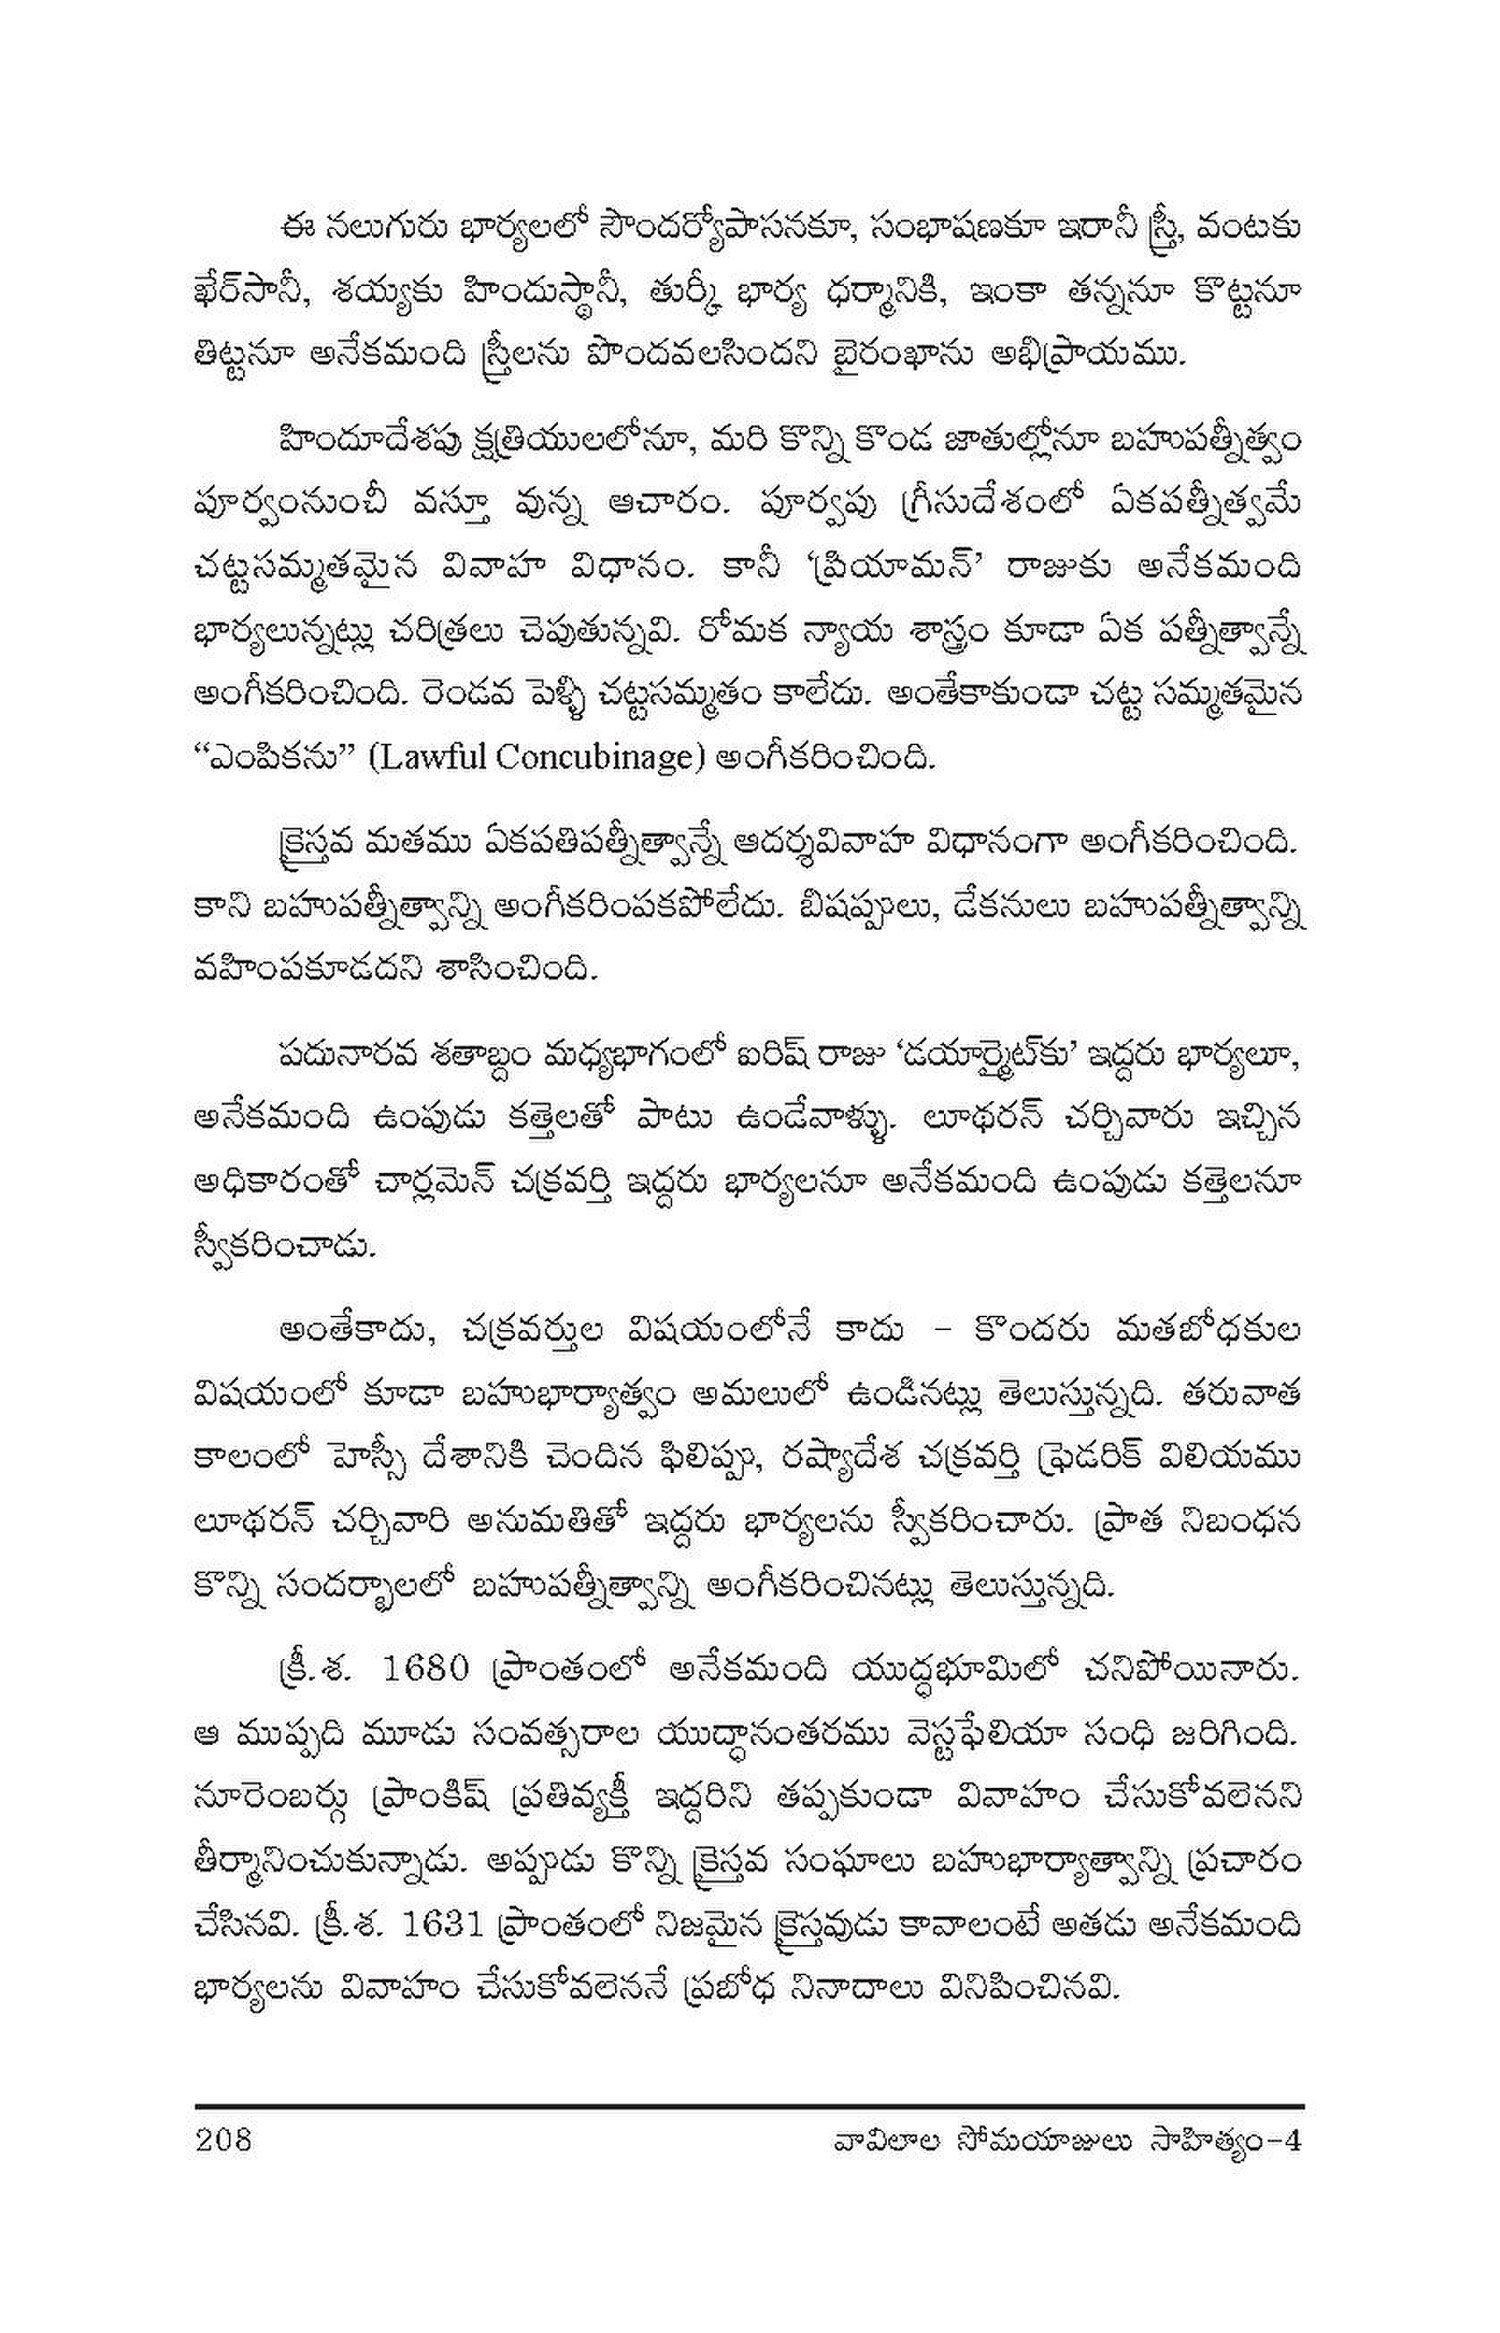ఈ నలుగురు భార్యలలో సౌందర్యోపాసనకూ, సంభాషణకూ ఇరానీ స్త్రీ, వంటకు
ఖేర్సానీ, శయ్యకు హిందుస్థానీ, తుర్కీ భార్య ధర్మానికి, ఇంకా తన్ననూ కొట్టనూ
తిట్టనూ అనేకమంది స్త్రీలను పొందవలసిందని బైరంఖాను అభిప్రాయము.

హిందూదేశపు క్షత్రియులలోనూ, మరి కొన్ని కొండ జాతుల్లోనూ బహుపత్నీత్వం
పూర్వంనుంచీ వస్తూ వున్న ఆచారం. పూర్వపు గ్రీసుదేశంలో ఏకపత్నీత్వమే
చట్టసమ్మతమైన వివాహ విధానం. కానీ 'ప్రియామన్' రాజుకు అనేకమంది
భార్యలున్నట్లు చరిత్రలు చెపుతున్నవి. రోమక న్యాయ శాస్త్రం కూడా ఏక పత్నీత్వాన్నే
అంగీకరించింది. రెండవ పెళ్ళి చట్టసమ్మతం కాలేదు. అంతేకాకుండా చట్ట సమ్మతమైన
“ఎంపికను” (Lawful Concubinage) అంగీకరించింది.

క్రైస్తవ మతము ఏకపతిపత్నీత్వాన్నే ఆదర్శవివాహ విధానంగా అంగీకరించింది.
కాని బహుపత్నీత్వాన్ని అంగీకరింపకపోలేదు. బిషప్పులు, డేకనులు బహుపత్నీత్వాన్ని
వహింపకూడదని శాసించింది.

పదునారవ శతాబ్దం మధ్యభాగంలో ఐరిష్ రాజు 'డయార్మైట్కు' ఇద్దరు భార్యలూ,
అనేకమంది ఉంపుడు కత్తెలతో పాటు ఉండేవాళ్ళు. లూథరన్ చర్చివారు ఇచ్చిన
అధికారంతో చార్లమెన్ చక్రవర్తి ఇద్దరు భార్యలనూ అనేకమంది ఉంపుడు కత్తెలనూ
స్వీకరించాడు.

అంతేకాదు, చక్రవర్తుల విషయంలోనే కాదు - కొందరు మతబోధకుల
విషయంలో కూడా బహుభార్యాత్వం అమలులో ఉండినట్లు తెలుస్తున్నది. తరువాత
కాలంలో హెస్సీ దేశానికి చెందిన ఫిలిప్పు, రష్యాదేశ చక్రవర్తి ఫ్రెడరిక్ విలియము
లూథరన్ చర్చివారి అనుమతితో ఇద్దరు భార్యలను స్వీకరించారు. ప్రాత నిబంధన
కొన్ని సందర్భాలలో బహుపత్నీత్వాన్ని అంగీకరించినట్లు తెలుస్తున్నది.

క్రీ.శ. 1680 ప్రాంతంలో అనేకమంది యుద్ధభూమిలో చనిపోయినారు.
ఆ ముప్పది మూడు సంవత్సరాల యుద్ధానంతరము వెస్టఫేలియా సంధి జరిగింది.
నూరెంబర్గు ప్రాంకిష్ ప్రతివ్యక్తీ ఇద్దరిని తప్పకుండా వివాహం చేసుకోవలెనని
తీర్మానించుకున్నాడు. అప్పుడు కొన్ని క్రైస్తవ సంఘాలు బహుభార్యాత్వాన్ని ప్రచారం
చేసినవి. క్రీ.శ. 1631 ప్రాంతంలో నిజమైన క్రైస్తవుడు కావాలంటే అతడు అనేకమంది
భార్యలను వివాహం చేసుకోవలెననే ప్రబోధ నినాదాలు వినిపించినవి.